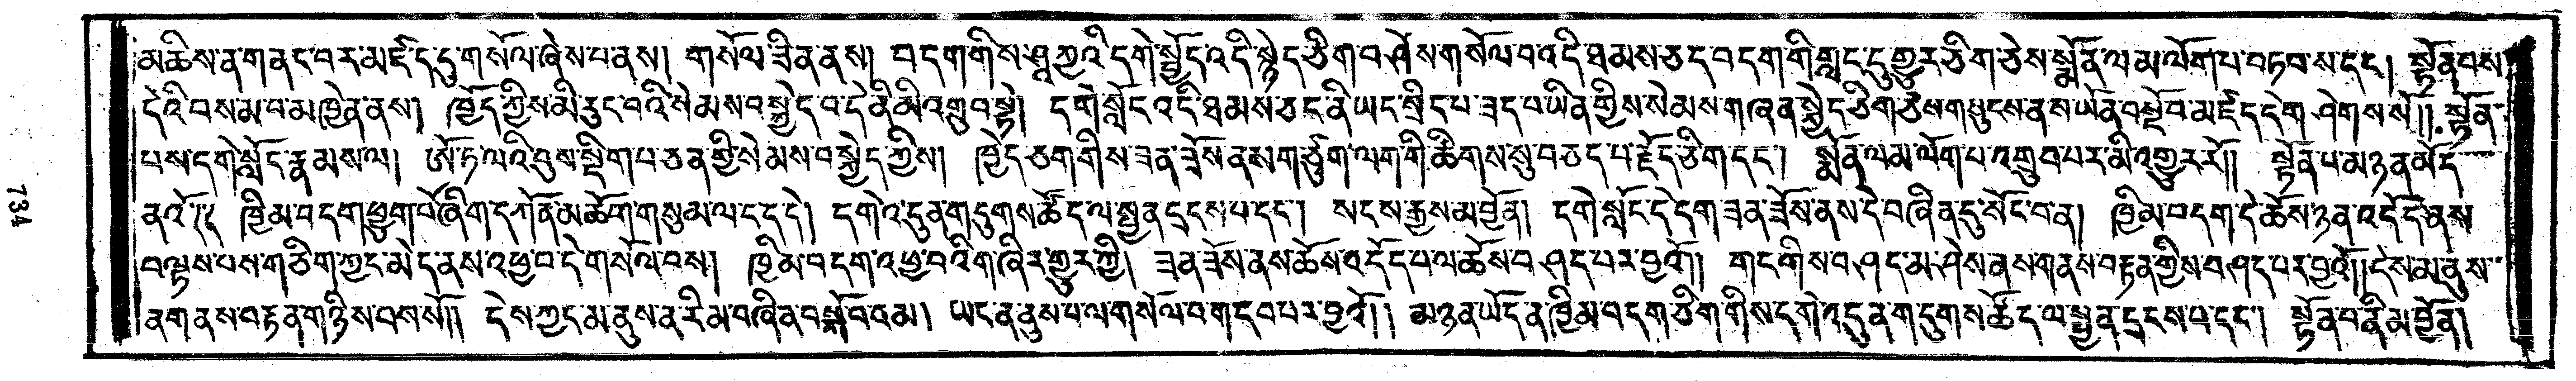མཆིས་ན་གནང་བར་མཛད་དུ་གསོལ་ཞེས་པ་ནས། གསོལ་ཟིན་ནས། བདག་གིས་ཤཱཀྱའི་དགེ་སྦྱོད་འདི་སྙེད་ཅིག་བཤོས་གསོལ་བ་འདི་ཐམས་ཅད་བདག་གི་གླང་དུ་གྱུར་ཅིག་ཅེས་སྨོན་ལམ་ལོག་པ་བཏབ་ས་དང་། སྟོན་པས་
དེའི་བསམ་བ་མཁྱེན་ནས། ཁྱོད་ཀྱིས་མི་རུང་བའི་སེམས་བསྐྱེད་བ་དེ་ནི་མི་འགྲུབ་སྟེ། དགེ་སློང་འདི་ཐམས་ཅད་ནི་ཡང་སྲིང་པ་ཟད་པ་ཡིན་གྱིས་སེམས་གཞན་སྐྱེད་ཅིག་ཅེས་གསུངས་ནས་ཡོན་བསྔོ་བ་མཛད་དེ་གཤེགས་སོ། །སྟོན་
པས་དགེ་སློང་རྣམས་ལ། ཨོ་ཏ་ལའི་བུས་སྡིག་པ་ཅན་གྱི་སེམས་བསྐྱེད་ཀྱིས། ཁྱེད་ཅག་གིས་ཟན་ཟོས་ནས་གཙུག་ལག་གི་ཚིགས་སུ་བཅད་པ་རྗོད་ཅིག་དང་། སྨོན་ལམ་ལོག་པ་འགྲུབ་པར་མི་འགྱུར་རོ། །སྟོན་པ་མཉན་མོད་
ནའོ༑༑ ཁྱིམ་བདག་ཕྱུག་པོ་ཞིག་དཀོན་མཆོག་གསུམ་ལ་ངད་དེ། དགེ་འདུན་གདུགས་ཚོད་ལ་སྤྱན་དྲངས་པ་དང་། སངས་རྒྱས་མ་བྱོན། དགེ་སློང་དེ་དག་ཟན་ཟོས་ནས་དེ་བཞིན་དུ་སོང་བ་ན། ཁྱིམ་བདག་དེ་ཆོས་ཉན་འདོད་ནས་
བལྟས་པས་གཅིག་ཀྱང་མེད་ནས་འཕྱ་བ་དེ་གསོལ་བས། ཁྱིམ་བདག་འཕྱ་བའི་གཞིར་གྱུར་ཀྱི། ཟན་ཟོས་ནས་ཆོས་འདོད་པ་ལ་ཆོས་བཤད་པར་བྱའོ། །གང་གིས་བཤད་མ་ཤེས་ནས་གནས་བརྟན་གྱིས་བཤད་པར་བྱའོ། །དེས་མ་ནུས་
ནག་ནས་བརྟན་གཉིས་བས་སོ། །དེས་ཀྱང་མ་ནུས་ན་རིམ་བཞིན་བསྐོ་བའམ། ཡང་ན་ནུས་པ་ལ་གསོལ་བ་གདབ་པར་བྱའོ། །མཉན་ཡོད་ན་ཁྱིམ་བདག་ཅིག་གིས་དགེ་འདུན་གདུགས་ཚོད་ལ་སྤྱན་དྲངས་པ་དང་། སྟོན་བ་ནི་མ་བྱོན།